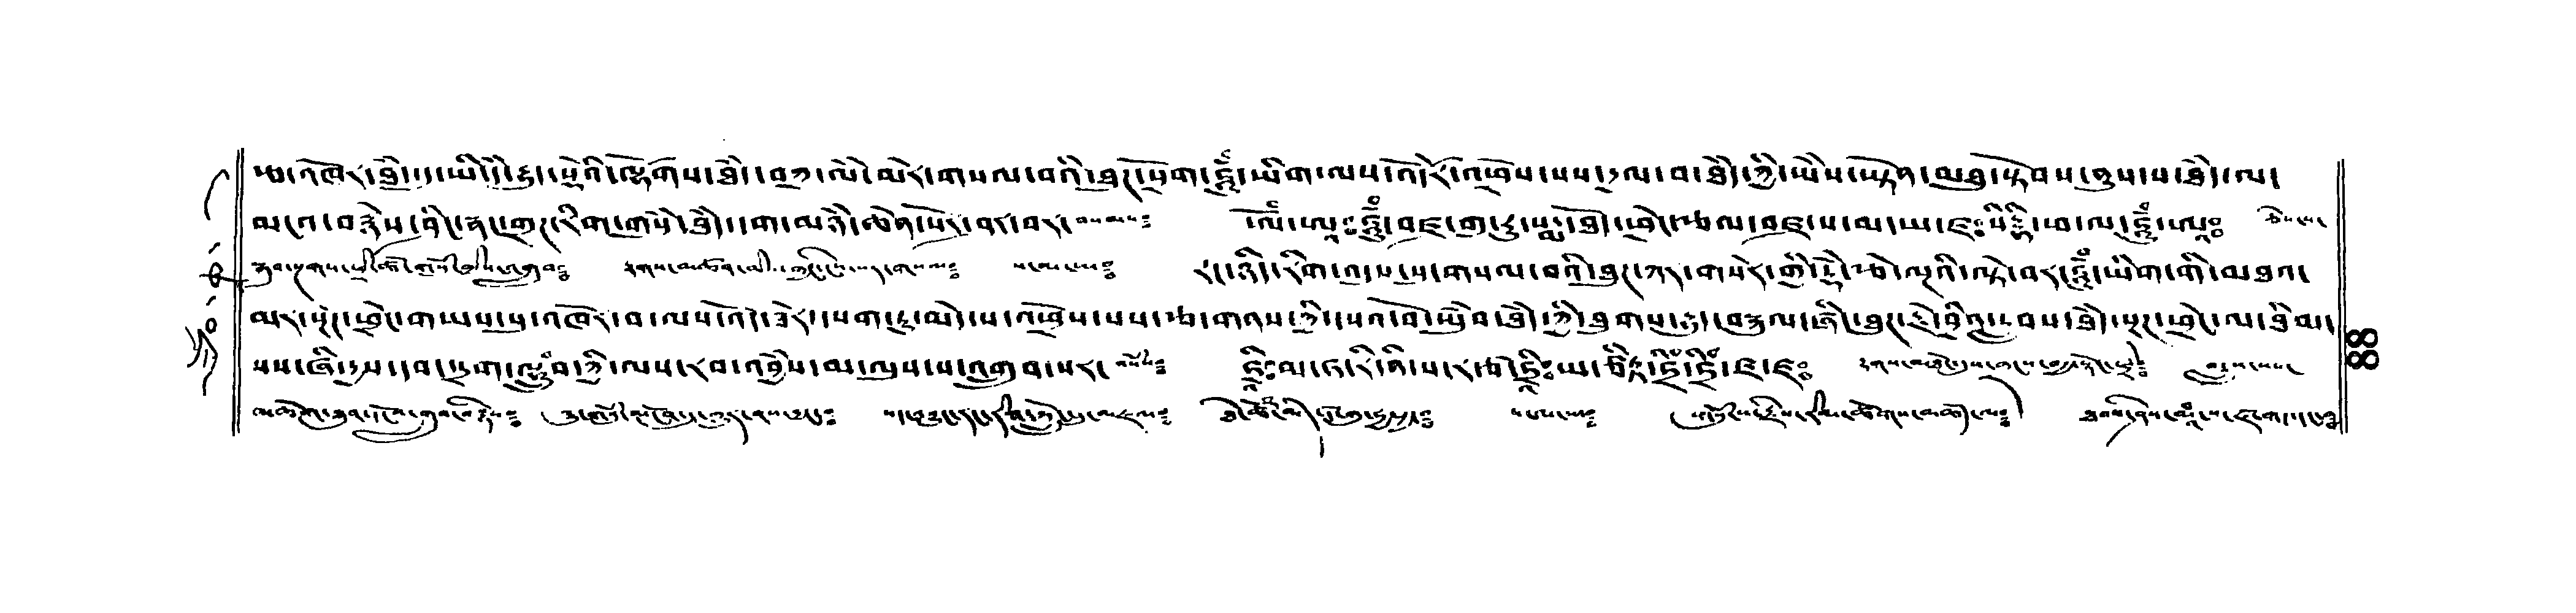རྩ་འཁོར་ཐམས་ཅད་དུ་ཡིད་དམ་རྒྱུད་སྡེའི་ལྷ་ཚོགས་ཐམས་ཅད་བཀྲ་ལམ་མེར་གསལ་བའི་ཐུགས་སྲོག་ཧཱུྃ་ཡིག་ལས་འོད་ཟེར་འཕྲོས་པས་རྒྱལ་བ་ཐམས་ཅད་ཡེ་ཤེས་ཡོན་ཏན་མཐུ་སྟོབས་ནུས་པ་ཐམས་ཅད་ལ་
མངའ་བརྙེས་ཤིང་སྣང་གྲགས་རིག་གསུམ་ཐམས་ཅད་དག་མཉམ་ཆེན་པོར་ཤར་བར་བསམས༔ ཨོཾ་ཨཱཿཧཱུྃ་བཛྲ་གུ་རུ་པདྨ་ཐོད་ཕྲེང་རྩལ་བཛྲ་ས་མ་ཡ་ཛཿསིདྡྷི་ཕ་ལ་ཧཱུྃ་ཨཱཿ ཞེས་པ་
སྒྲུབ་སྔགས་ཁྲི་ཚོ་གསུམ་གྱིས་འགྲུབ༔ རྟགས་མཚན་མི་འགྱང་ངེས་པར་གསལ༔ ས་མ་ཡ༔ རང་ཉིད་རིག་འདུས་སུ་གསལ་བའི་ཐུགས་ཀར་གསེར་གྱི་རྡོ་རྗེ་རྩེ་ལྔའི་ལྟེ་བར་ཧཱུྃ་ཡིག་གི་མཐའ་
མར་སྔགས་ཕྲེང་གཡས་སུ་འཁོར་བ་ལས་འོད་ཟེར་དཔག་ཏུ་མེད་པ་འཕྲོས་པས་རྩ་གནས་ཀྱི་དཔའ་བོ་ཡབ་ཡུམ་ཐམས་ཅད་ཀྱི་ཐུགས་རྒྱུད་བསྐུལ་ཞིང་ཐུགས་རྗེ་བྱིན་རླབས་ཐམས་ཅད་སྔགས་ཕྲེང་ལ་ཐིམ་
པས་ཞི་རྒྱས་དབང་དྲག་ལྷུན་གྲུབ་ཀྱི་ལས་རབ་འབྱམས་མ་ལུས་པ་འགྲུབ་པར་བསམས༔ ཧྲཱིཿམ་ཧ་རི་ནི་ས་ར་ཙ་ཧྲཱིཿཡ་ཙིཏྟ་ཧྲིཾ་ཧྲིཾ་ཛ་ཛཿ རྟགས་མཐོང་དུས་གྲངས་བརྒྱ་སྟོང་ཁྲི༔ བཟླས་པས་
མཆོག་ཐུན་དངོས་གྲུབ་བརྙེས༔ སྐུ་གསུམ་མངོན་དུ་གྱུར་ནས་ཀྱང༔ པད་འབྱུང་རང་རིག་ཀློང་དུ་མཇལ༔ ཐེ་ཚོམ་མེད་དོ་གུ་ཧྱ་རྒྱ༔ ས་མ་ཡ༔ གསུམ་པ་རྗེས་རིམ་ཚོགས་མཆོད་ལ༔ ཐབས་ཤེས་མཱཾ་ས་ཛ་གད་དང༔